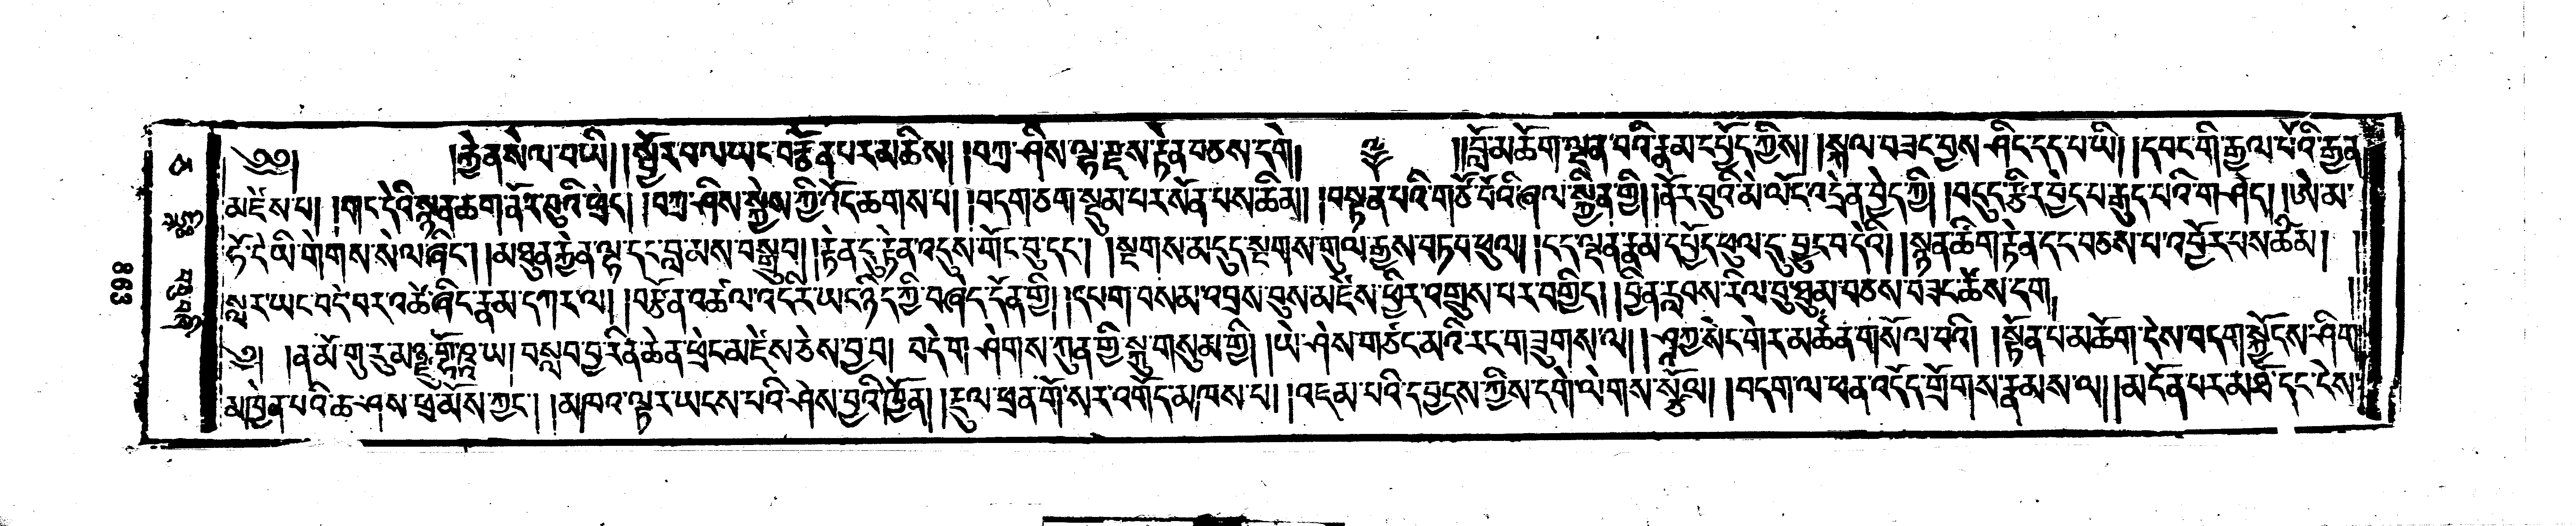༄༅། །རྐྱེན་སེལ་བ་ཡི། །སྦྱོར་བ་ལ་ཡང་བརྩོན་པར་མཆིས། །བཀྲ་ཤིས་ལྷ་རྫས་རྟེན་བཅས་དགེ། ༈ །།བློ་མཆོག་ལྡན་པའི་རྣམ་དཔྱོད་ཀྱིས། །སྐལ་བཟང་བྱས་ཤིང་དད་པ་ཡི། །དབང་གི་རྒྱལ་པོའི་རྒྱན་
མཛེས་པ། །གང་དེའི་སྙན་ཚིག་ནོར་བུའི་ཕྲེང་། །བཀྲ་ཤིས་སྐྱེས་ཀྱི་འོད་ཆགས་པ། །བདག་ཅག་སྡུམ་པར་སོན་པས་ཚིམ། །བསྟན་པའི་གཙོ་བོའི་ཞལ་སྐྱིན་གྱི། །ནོར་བུའི་མེ་ལོང་འདྲེན་བྱེད་ཀྱི། །བདུད་རྩིར་བྱེད་པ་རྒུད་པའི་གཤེད། །ཨེ་མ་
ཧོ་དེ་ཡི་གེགས་སེལ་ཞིང་། །མཐུན་རྐྱེན་ལྷ་དང་བླ་མས་བསྒྲུབ། །རྟེན་དུ་རྟེན་འདུས་གོང་བུ་དང་། །སྔགས་མདུད་སྔགས་གུལ་རྒྱས་བཏབ་ཕུལ། །དད་ལྡན་རྣམ་དཔྱོད་ཕུལ་དུ་བྱུང་བ་དེའི། །སྙན་ཚིག་རྟེན་དང་བཅས་པ་འབྱོར་པས་ཚིམ། །
སླར་ཡང་བདེ་བར་འཚོ་ཞིང་རྣམ་དཀར་ལ། །བརྩོན་འཚལ་འདིར་ཡང་ཉིད་ཀྱི་བཞེད་དོན་གྱི། །དཔག་བསམ་འབྲས་བུས་མཛེས་ཕྱིར་འགྲུབ་པར་བགྱིད། །བྱིན་རླབས་རིལ་བུ་ཐུམ་བཅས་བཟང་ཚེ་དགེ། །།
༄༅། །ན་མོ་གུ་རུ་མཉྫུ་གྷོ་ཥཱ་ཡ། བསླབ་བྱ་རིན་ཆེན་ཕྲེང་མཛེས་ཅེས་བྱ་བ། བདེ་གཤེགས་ཀུན་གྱི་སྐུ་གསུམ་གྱི། །ཡེ་ཤེས་གཙང་མའི་རང་གཟུགས་ལ། །ཤཱཀྱ་སེང་གེར་མཚན་གསོལ་བའི། །སྟོན་པ་མཆོག་དེས་བདག་སྐྱོངས་ཤིག །
མཁྱེན་པའི་ཆ་ཤས་ཕྲ་མོས་ཀྱང་། །མཁའ་ལྟར་ཡངས་པའི་ཤེས་བྱའི་ཁྱོན། །རྡུལ་ཕྲན་གོ་སར་འགོད་མཁས་པ། །འཇམ་པའི་དབྱངས་ཀྱིས་དགེ་ལེགས་སྩོལ། །བདག་ལ་ཕན་འདོད་གྲོགས་རྣམས་ལ། །མངོན་པར་མཐོ་དང་ངེས་